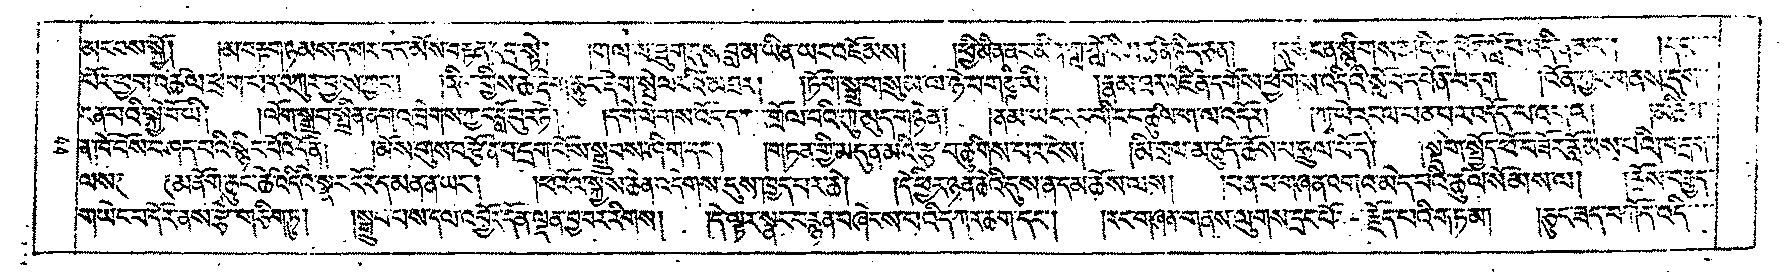མང་བས་སྐྱོ། །མ་བརྟག་ཉམས་དགར་དད་མོས་བརྟན་འདྲ་སྟེ། །གལ་ལ་ཐུག་དུས་བླ་མ་ཡིན་ཡང་འཇོམས། །ཕྱི་མིན་ནང་མིན་ཀླ་ཀློའི་མཚན་ཉིད་ཅན། །དུས་ངན་སྙིགས་མའི་འཁོར་སློབ་འདི་ན་མང་། །དང་
པོར་ཕྱག་འཚལ་ཕྲག་པར་བཀུར་བྱས་ཀྱང་། །རིམ་གྱིས་ཆེ་རྡེག་ཆུང་རྡེག་སྤེལ་བའི་མཐར། །ཏོག་སྒྲ་གསུམ་ལ་ཉེ་བ་གཎྜི་ཡི། །རྣམ་ཐར་འཛིན་དགོས་ཕྱོགས་འདིའི་སློབ་དཔོན་བདག །འོན་ཀྱང་གནས་དུས་
ངན་པའི་སྐྱེ་བོ་ཡི། །ལོག་སྒྲུབ་སྤྲིན་ནག་འཁྲིགས་ཀྱང་བློ་བུར་ཏེ། །དགེ་ལེགས་འོད་དཀར་གྲོལ་བའི་ཀུ་མུད་གཉེན། །ནམ་ཡང་རང་གི་ངང་ཚུལ་ག་ལ་འདོར། །ཀྭ་ཡེ་རང་ལ་ཕན་པར་འདོད་པ་འགའ། །མཆིས་
ན་ཁོ་བོས་བཤད་པའི་སྙིང་པོའི་དོན། །མོས་གུས་བརྩོན་པ་དྲག་པོས་སྒྲུབས་ཤིག་དང་། །གཏན་གྱི་མདུན་མའི་རྩ་བ་ཚུགས་པར་ངེས། །མི་གྲལ་མ་ཚུད་ཆོས་པ་ཧྲུལ་པོ་དེ། །སྡིག་སྤྱོད་ཕོ་བཟོར་རློམས་པའི་ཁ་དྲག་
ལས༑ ༑མནོག་ཆུང་ཚེ་འདིའི་སྣང་ངོར་དམན་ན་ཡང་། །ཕ་རོལ་སྐྱེས་ཆེན་འདེགས་དུས་ཁྱད་པར་ཆེ། །དེ་ཕྱིར་ཉན་ཆེའི་དུས་ན་དམ་ཆོས་ལས། །ཕན་པ་གཞན་འགའ་མེད་པའི་ཚུལ་སོམས་ལ། །ཆོས་བརྒྱད་
གཡེང་བ་དོར་ནས་རྩེ་གཅིག་ཏུ། །སྒྲུབ་པས་དལ་འབྱོར་དོན་ལྡན་བྱ་བར་རིགས། །དེ་ལྟར་སྣང་བརྙན་བཞེངས་པའི་དཀར་ཆག་དང་། །རང་གཞན་གནས་ལུགས་དྲང་པོར་བརྗོད་པའི་གཏམ། །ཅུང་ཟད་བཀོ་དི་